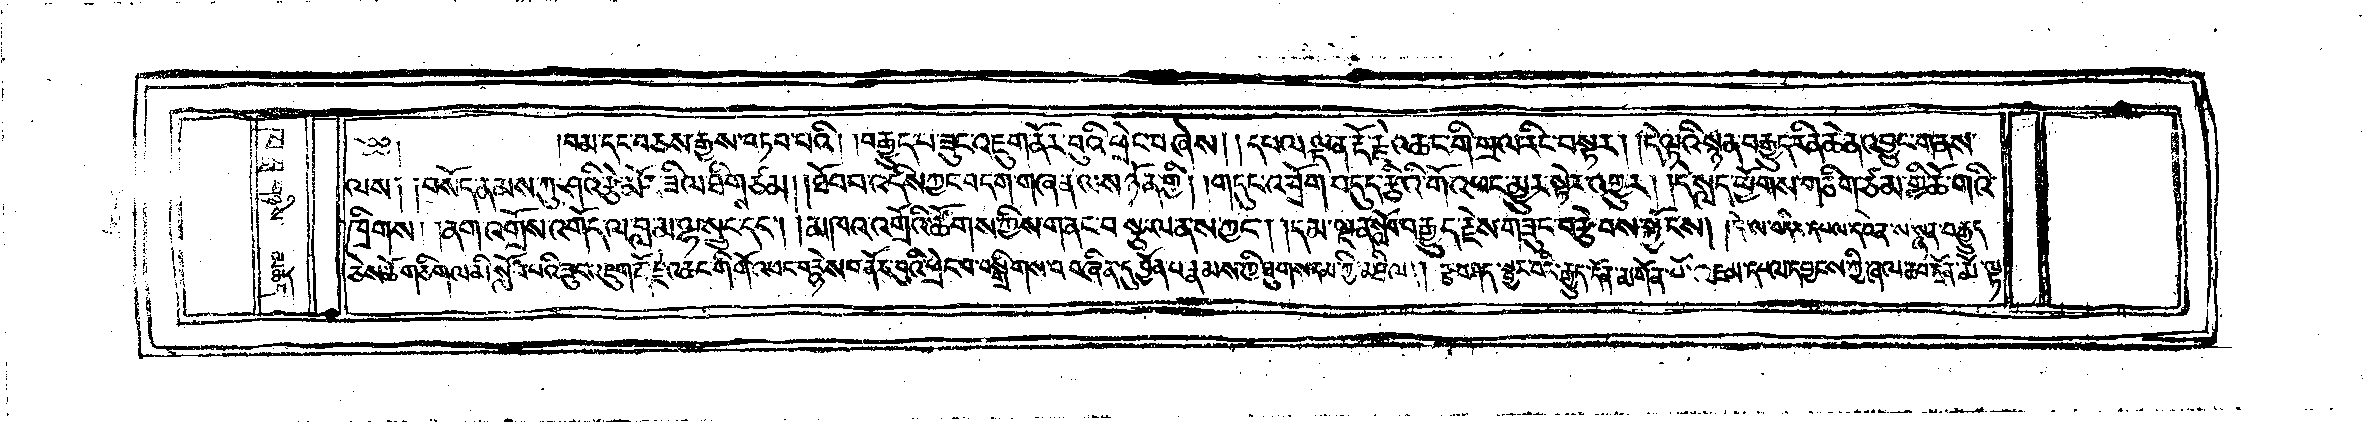༄༅། །བམ་དང་བཅས་རྒྱས་བཏབ་པའི། །བརྒྱུད་པ་ཟུང་འཇུག་ནོར་བུའི་ཕྲེང་བ་ཞེས། །དཔལ་ལྡན་རྡོ་རྗེ་འཆང་གི་གྲལ་རིང་བསྟར། །དེ་ལྟའི་སྙན་བརྒྱུད་རིན་ཆེན་འབྱུང་གནས་
ལས༑ ༑བསོད་ནམས་ཀུ་ཤའི་རྩེ་མོར་ཟིལ་ཐིགས་ཙམ། །ཐོབ་པ་འདིས་ཀྱང་བདག་གཞན་ལས་ཉོན་གྱི། །གདུང་འབྲོག་བདུད་རྩིའི་གོ་འཕང་མྱུར་སྟེར་འགྱུར། །དེ་སླད་ཕྱོགས་གཅིག་ཙམ་གྱི་ཆོ་གའི་
ཁྲིགས། །ནག་འགྲོས་འགོད་ལ་བླ་མ་ལྷ་སྲུང་དང་། །མཁའ་འགྲོའི་ཚོགས་ཀྱིས་གནང་བ་སྩལ་ནས་ཀྱང་། །དམ་ལྡན་སློབ་བརྒྱུད་རྗེས་གཟུང་བརྩེ་བས་སྐྱོངས། །དེ་ལ་འདིར་དཔལ་དཔེ་ནས་སྙན་བརྒྱུད་
ཅེས་ཆོ་གཅིག་ལ་མི་སློབ་པའི་ཟུང་འཇུག་རྡོ་རྗེ་འཆང་གི་གོ་འཕང་བརྙེས་བ་ནོར་བུའི་ཕྲེང་བ་བསྒྲིགས་པ་བཞིན་དུ་བྱོན་པ་རྣམས་ཀྱི་ཐུགས་དམ་ཀྱི་མཐིལ། །རྩ་བཤད་སྦྱར་བའི་རྒྱུད་དོན་མགོན་པོ་འཇམ་དཔལ་དབྱངས་ཀྱི་ཞལ་ཆབ་དྲོན་མོ་ལྟ་